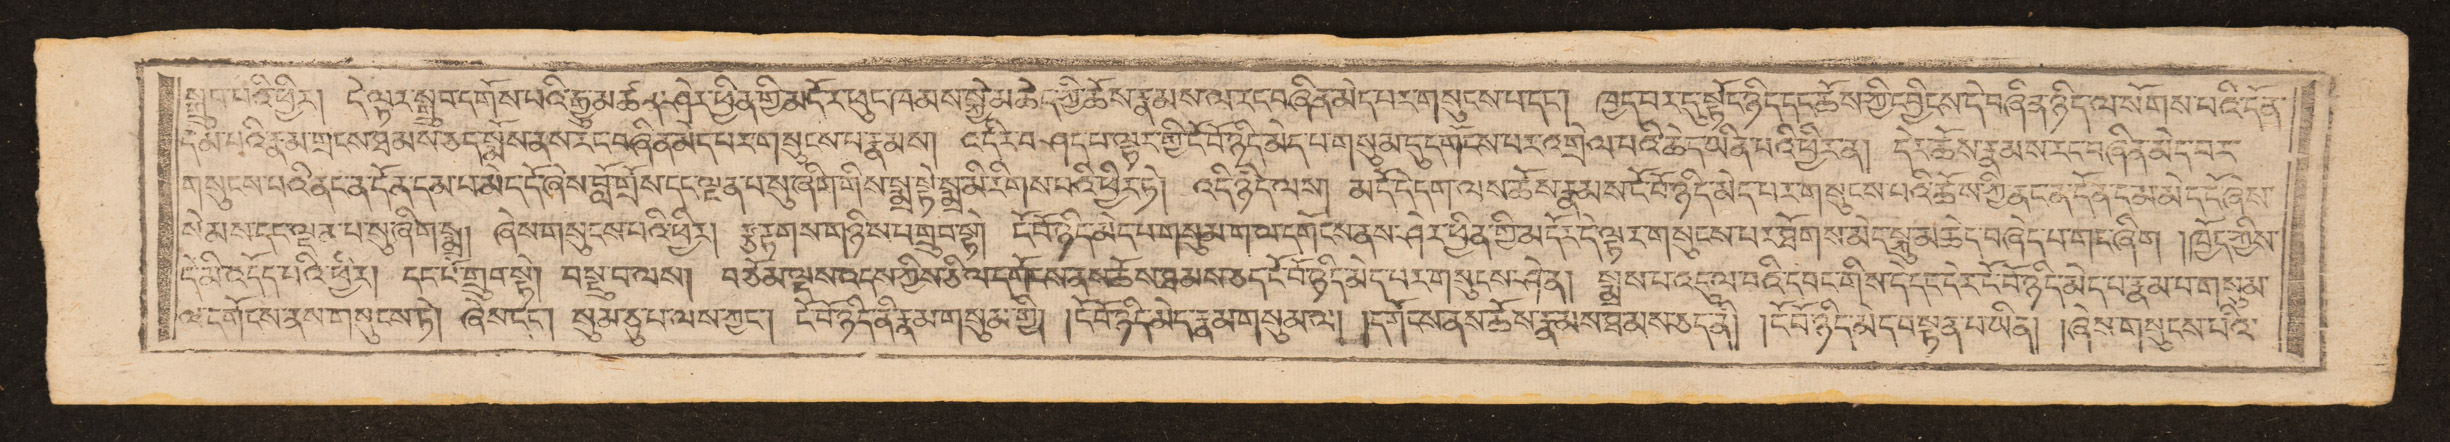སྒྲུབ་པའི་ཕྱིར། དེ་ལྟར་སྒྲུབ་དགོས་པའི་རྒྱུ་མཚན་ཤེར་ཕྱིན་གྱི་མདོར་ཕུང་ཁམས་སྐྱེ་མཆེད་ཀྱི་ཆོས་རྣམས་ལ་རང་བཞིན་མེད་པར་གསུངས་པ་དང་། ཁྱད་པར་དུ་སྟོང་ཉིད་དང་ཆོས་ཀྱི་དབྱིངས་དེ་བཞིན་ཉིད་ལ་སོགས་པའི་དོན་
དམ་པའི་རྣམ་གྲངས་ཐམས་ཅད་སྨོས་ནས་རང་བཞིན་མེད་པར་གསུངས་པ་རྣམས། འདིར་བཤད་པ་ལྟར་གྱི་ངོ་བོ་ཉིད་མེད་པ་གསུམ་དུ་དགོངས་པར་འགྲེལ་པའི་ཆེད་ཡིན་པའི་ཕྱིར་ན། དེར་ཆོས་རྣམས་རང་བཞིན་མེད་པར་
གསུངས་པའི་ནང་ན་དོན་དམ་པ་མེད་དོ་ཞེས་བློ་གྲོས་དང་ལྡན་པ་སུ་ཞིག་གིས་སྨྲ་སྟེ་སྨྲ་མི་རིགས་པའི་ཕྱིར་ཏེ། འདི་ཉིད་ལས། མདོ་དེ་དག་ལས་ཆོས་རྣམས་ངོ་བོ་ཉིད་མེད་པར་གསུངས་པའི་ཆོས་ཀྱི་ནང་ན་དོན་དམ་མེད་དོ་ཞེས་
སེམས་དང་ལྡན་པ་སུ་ཞིག་སྨྲ། ཞེས་གསུངས་པའི་ཕྱིར། རྩ་རྟགས་གཉིས་པ་གྲུབ་སྟེ། ངོ་བོ་ཉིད་མེད་པ་གསུམ་ག་ལ་དགོངས་ནས་ཤེར་ཕྱིན་གྱི་མདོར་དེ་ལྟར་གསུངས་པར་ཐོགས་མེད་སྐུ་མཆེད་བཞེད་པ་གང་ཞིག །ཁྱོད་ཀྱིས་
དེ་མི་འདོད་པའི་ཕྱིར། དང་པོ་གྲུབ་སྟེ། བསྡུ་བ་ལས། བཅོམ་ལྡན་འདས་ཀྱིས་ཅི་ལ་དགོངས་ནས་ཆོས་ཐམས་ཅད་ངོ་བོ་ཉིད་མེད་པར་གསུངས་ཤེ་ན། སྨྲས་པ་འདུལ་བའི་དབང་གིས་དེ་དང་དེར་ངོ་བོ་ཉིད་མེད་པ་རྣམ་པ་གསུམ་
ལ་དགོངས་ནས་གསུངས་ཏེ། ཞེས་དང་། སུམ་ཅུ་པ་ལས་ཀྱང་། ངོ་བོ་ཉིད་ནི་རྣམ་གསུམ་གྱི། །ངོ་བོ་ཉིད་མེད་རྣམ་གསུམ་ལ། །དགོངས་ནས་ཆོས་རྣམས་ཐམས་ཅད་ནི། །ངོ་བོ་ཉིད་མེད་བསྟན་པ་ཡིན། །ཞེས་གསུངས་པའི་